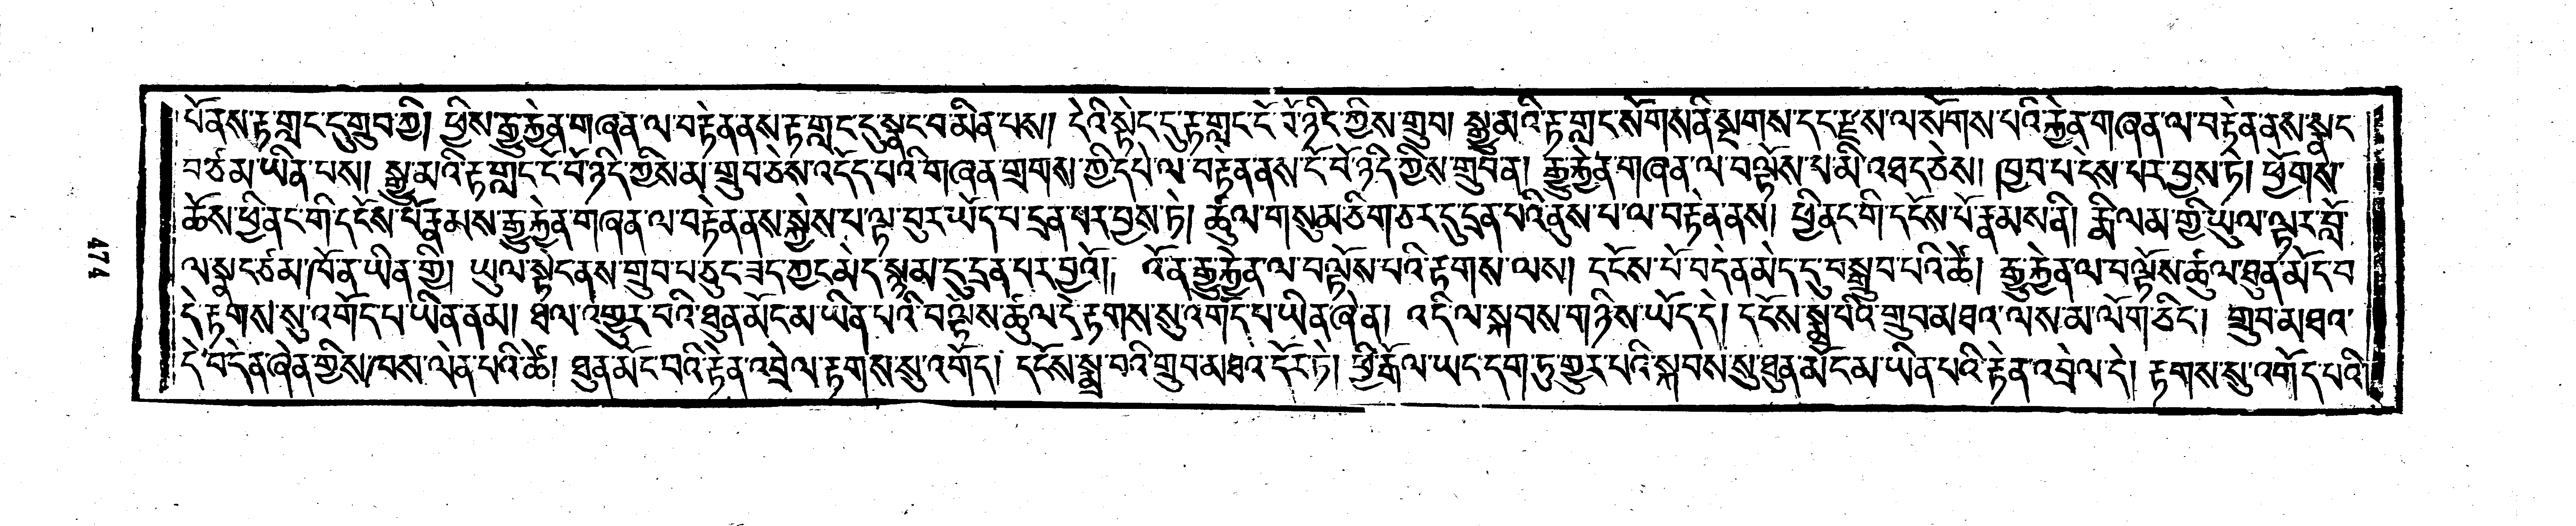པོ་ནས་རྟ་གླང་དུ་གྲུབ་ཀྱི། ཕྱིས་རྒྱུ་རྐྱེན་གཞན་ལ་བརྟེན་ནས་རྟ་གླང་དུ་སྣང་བ་མིན་པས། དེའི་སྟེང་དུ་རྟ་གླང་ངོ་བོ་ཉིད་ཀྱིས་གྲུབ། སྒྱུ་མའི་རྟ་གླང་སོགས་ནི་སྔགས་དང་རྫས་ལ་སོགས་པའི་རྐྱེན་གཞན་ལ་བརྟེན་ནས་སྣང་
བ་ཙམ་ཡིན་པས། སྒྱུ་མའི་རྟ་གླང་ངོ་བོ་ཉིད་ཀྱིས་མ་གྲུབ་ཅེས་འདོད་པའི་གཞན་གྲགས་ཀྱི་དཔེ་ལ་བརྟེན་ནས་ངོ་བོ་ཉིད་ཀྱིས་གྲུབ་ན། རྒྱུ་རྐྱེན་གཞན་ལ་བལྟོས་པ་མི་འཐད་ཅེས། ཁྱབ་པ་ངེས་པར་བྱས་ཏེ། ཕྱོགས་
ཆོས་ཕྱི་ནང་གི་དངོས་པོ་རྣམས་རྒྱུ་རྐྱེན་གཞན་ལ་བརྟེན་ནས་སྐྱེས་པ་ལྟ་བུར་ཡོད་པ་དྲན་པར་བྱས་ཏེ། ཚུལ་གསུམ་ཅིག་ཅར་དུ་དྲན་པའི་ནུས་པ་ལ་བརྟེན་ནས། ཕྱི་ནང་གི་དངོས་པོ་རྣམས་ནི། རྨི་ལམ་གྱི་ཡུལ་ལྟར་བློ་
ལ་སྣང་ཙམ་ཁོ་ན་ཡིན་གྱི། ཡུལ་སྟེང་ནས་གྲུབ་པ་ཅུང་ཟད་ཀྱང་མེད་སྙམ་དུ་དྲན་པར་བྱའོ། །འོ་ན་རྒྱུ་རྐྱེན་ལ་བལྟོས་པའི་རྟགས་ལས། དངོས་པོ་བདེན་མེད་དུ་བསྒྲུབ་པའི་ཚེ། རྒྱུ་རྐྱེན་ལ་བལྟོས་ཚུལ་ཐུན་མོང་བ་
དེ་རྟགས་སུ་འགོད་པ་ཡིན་ནམ། ཐལ་འགྱུར་བའི་ཐུན་མོང་མ་ཡིན་པའི་བལྟོས་ཚུལ་དེ་རྟགས་སུ་འགོད་པ་ཡིན་ཞེ་ན། འདི་ལ་སྐབས་གཉིས་ཡོད་དེ། དངོས་སྨྲ་བའི་གྲུབ་མཐའ་ལས་མ་ལོག་ཅིང་། གྲུབ་མཐའ་
དེ་བདེན་ཞེན་གྱིས་ཁས་ལེན་པའི་ཚེ། ཐུན་མོང་བའི་རྟེན་འབྲེལ་རྟགས་སུ་འགོད། དངོས་སྨྲ་བའི་གྲུབ་མཐའ་དོར་ཏེ། ཕྱི་རྒོལ་ཡང་དག་ཏུ་གྱུར་པའི་སྐབས་སུ་ཐུན་མོང་མ་ཡིན་པའི་རྟེན་འབྲེལ་ཏེ། རྟགས་སུ་འགོད་པའི་